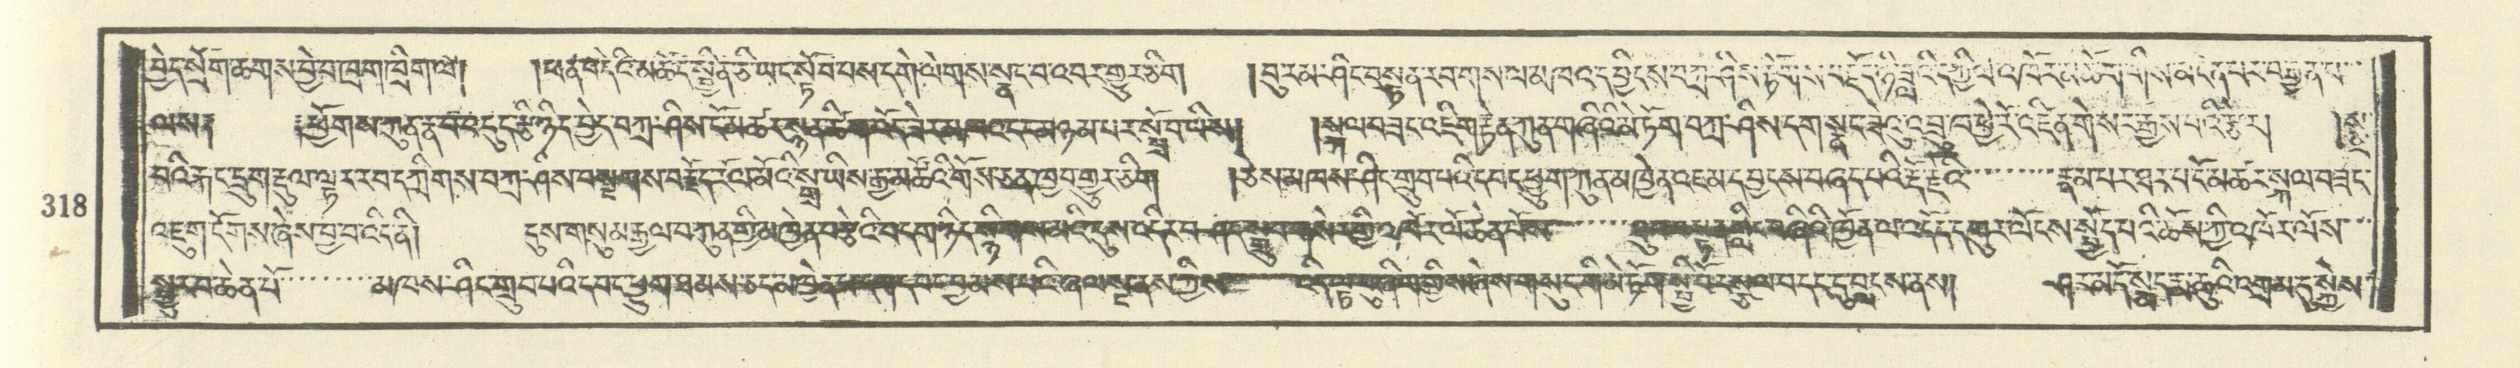བྱེད་སྲོག་ཆགས་བྱེ་བ་ཁྲག་ཁྲིག་ལ། །ཕན་བདེའི་མཆོད་སྦྱིན་ཅི་ཡང་སྟོབ་པས་དགེ་ལེགས་སྣང་བ་འབར་གྱུར་ཅིག །བུ་རམ་ཤིང་བསྟན་རབ་གསལ་མཁའ་དབྱིངས་བཀྲ་ཤིས་རྟོགས་བརྗོད་ཉི་ཟླའི་དཀྱིལ་འཁོར་མཆོག་གིས་མངོན་པར་བརྒྱན་པ་
ལས༑ ༑ཕྱོགས་ཀུན་རྣ་བ་བདུད་རྩི་ཉིད་བྱེད་བཀྲ་ཤིས་ངོ་མཚར་སྙན་ཚིག་འོད་ཟེར་མཁའ་དང་མཉམ་པར་སྤྲོ་བ་ཡིས། །སྐལ་བཟང་འཇིག་རྟེན་ཀུན་གཞིའི་མེ་ཏོག་བཀྲ་ཤིས་དག་སྣང་ཟེའུ་འབྲུ་ཁ་ཕྱེ་རོ་འཛིན་གསེར་རྒྱས་པའི་རྩེར། །སྨྲ་
བའི་རྐང་དྲུག་རྡུལ་ལྟར་རབ་དཀྲིགས་བཀྲ་ཤིས་བསྔགས་བརྗོད་རོལ་མོའི་སྒྲ་ཡིས་རྒྱ་མཚོའི་གོས་ཅན་ཁྱབ་གྱུར་ཅིག །ཅེས་མཁས་ཤིང་གྲུབ་པའི་དབང་ཕྱུག་ཀུན་མཁྱེན་འཇམ་དབྱངས་བཞད་པའི་རྡོ་རྗེའི་རྣམ་པར་ཐར་པ་ངོ་མཚར་སྐལ་བཟང་
འཇུག་དོགས་ཞེས་བྱ་བ་འདི་ནི། དུས་གསུམ་རྒྱལ་བ་ཀུན་གྱི་མཁྱེན་བརྩེའི་བདག་ཉིད་སྙིགས་མའི་དུས་འདིར་བཤད་སྒྲུབ་གསེར་གྱི་འཁོར་ལོ་ཆེན་པོས་ཐུབ་བསྟན་གླིང་བཞིའི་ཁྱོན་ལ་འདོད་དགུར་ལོངས་སྤྱོད་པའི་ཆོས་ཀྱི་འཁོར་ལོས་
སྒྱུར་བ་ཆེན་པོ་མཁས་ཤིང་གྲུབ་པའི་དབང་ཕྱུག་ཐམས་ཅད་མཁྱེན་པ་ངག་དབང་བྱམས་པའི་ཞལ་སྔ་ནས་ཀྱིས་འདི་ལྟ་བུ་ཞིག་གྱིས་ཞེས་གསུང་གི་མེ་ཏོག་སྤྱི་བོར་སྩལ་བ་དང་དུ་བླངས་ནས། ཤར་མདོ་སྨད་རྨ་ཆུའི་འགྲམ་དུ་སྐྱེས་